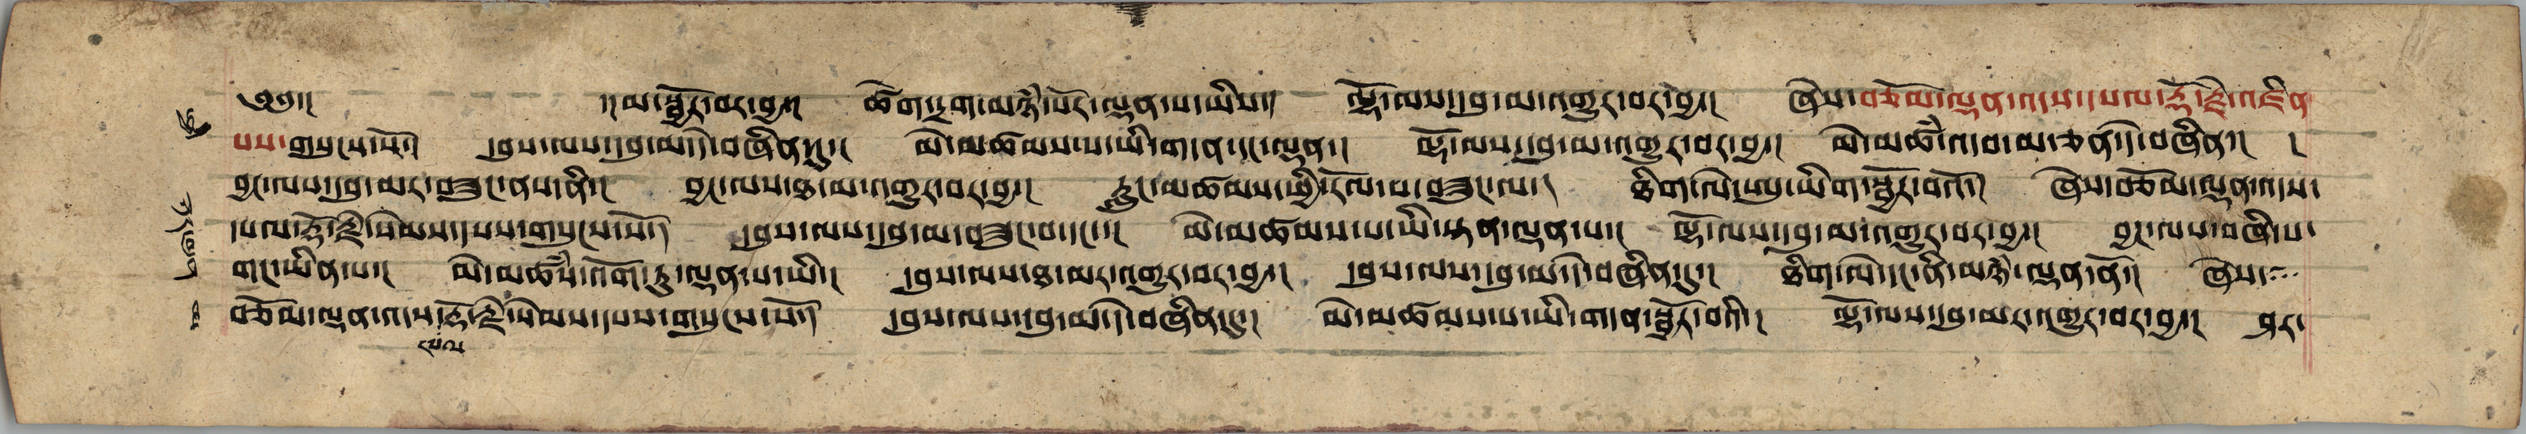༄༅་། ་།མ་སྦྱོར་བར་བྱ་། ཚེག་དྲག་མཉཾ་པོར་ལྡན་པ་ཡིས་། ལྷོ་ལས་དབུ་མ་འགྱུར་བར་བྱ་། ཞེས་བཅོམ་ལྡན་འདས་དཔལ་རྡོ་རྗེ་འཛིན་
པས་གསུངས་སོ་། དབུས་ལས་དབུ་མ་དེ་བཞིན་དུ་། མེ་མཚམས་པ་ཡི་གདན་དང་ལྡན་། ལྷོ་ལས་དབུ་མ་འགྱུར་བར་བྱ་། མེ་མཚཾ་འདབ་མ་ཅན་དེ་བཞིན་།
བྱང་ལས་དབུ་མར་བཟུང་ནས་ནི་། བྱང་ལས་ཐ་མ་འགྱུར་བར་བྱ་། རླུང་མཚམས་ཕྱི་རོལ་པ་བཟུང་ལ་། ཐིག་ལེ་ཨུ་ཡིག་སྦྱོར་བའོ་། ཞེས་བཅོམ་ལྡན་འདས་
དཔལ་རྡོ་རྗེ་སེམས་དཔས་གསུངས་སོ་། དབུས་ལས་དབུ་མ་བཟུང་བ་དང་་། མེ་མཚམས་པ་ཡི་སྟན་ལྡན་པ་། ལྷོ་ལས་དབུ་མ་འགྱུར་བར་བྱ་། བྱང་ལས་བཞི་པ་
གང་ཡིན་པ་། མེ་མཚཾས་འོག་ཏུ་ལྡན་པ་ཡི་། དབུས་ལས་ཐ་མར་འགྱུར་བར་བྱ་། དབུས་ལས་དབུ་མ་དེ་བཞིན་དུ་། ཐིག་ལེ་དང་ནི་མཉཾ་ལྡན་ནོ་། ཞེས་
བཅོམ་ལྡན་འདས་རྡོ་རྗེ་སེམས་དཔས་གསུངས་སོ་། དབུས་ལས་དབུ་མ་དེ་བཞིན་དུ་། མེ་མཚམས་པ་ཡི་གདན་སྦྱོར་བའི་། ལྷོ་ལས་དབུ་མར་འགྱུར་བར་བྱ་། ཤར་